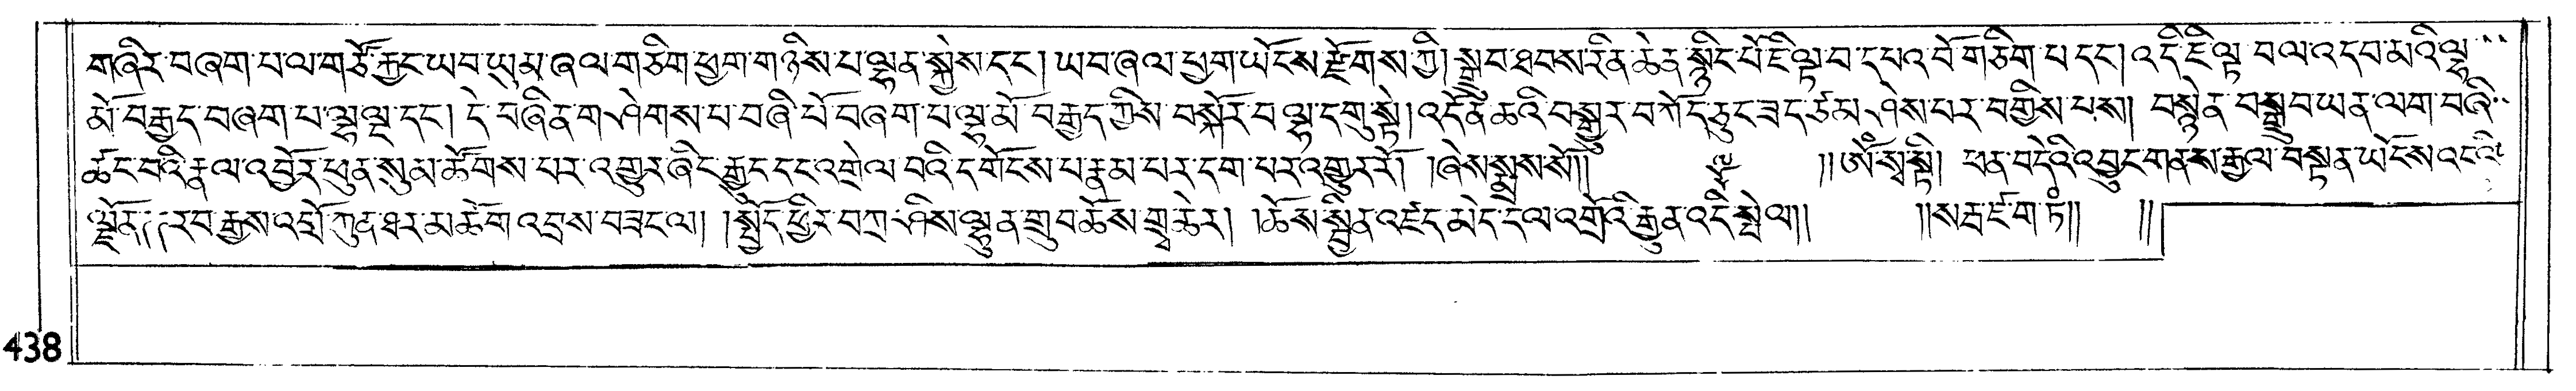གཞིར་བཞག་པ་ལ་གཙོ་རྐྱང་ཡབ་ཡུམ་ཞལ་གཅིག་ཕྱག་གཉིས་པ་ལྷན་སྐྱེས་དང་། ཡབ་ཞལ་ཕྱག་ཡོངས་རྫོགས་ཀྱི། སྒྲུབ་ཐབས་རིན་ཆེན་སྙིང་པོ་ཇི་ལྟ་བ་དཔའ་བོ་གཅིག་པ་དང་། འདི་ཇི་ལྟ་བ་ལ་འདབ་མའི་ལྷ་
མོ་བརྒྱད་བཞག་པ་ལྷ་ལྔ་དང་། དེ་བཞིན་གཤེགས་པ་བཞི་པོ་བཞག་པ་ལྷ་མོ་བརྒྱད་ཀྱིས་བསྐོར་བ་ལྷ་དགུ་སྟེ། འདོན་ཆའི་བསྒྱུར་བཀོད་ཅུང་ཟད་ཙམ་ཤེས་པར་བགྱིས་པས། བསྙེན་བསྒྲུབ་ཡན་ལག་བཞི་
ཚང་བའི་རྣལ་འབྱོར་ཕུན་སུམ་ཚོགས་པར་འགྱུར་ཞིང་རྒྱུད་དང་འགྲེལ་བའི་དགོངས་པ་རྣམ་པར་དག་པར་འགྱུར་རོ། །ཞེས་སྨྲས་སོ།། ༈ །།ཨོཾ་སྭ་སྟི། ཕན་བདེའི་འབྱུང་གནས་རྒྱལ་བསྟན་ཡོངས་འདུའི་
ལྗོན༑ ༑རབ་རྒྱས་འགྲོ་ཀུན་ཐར་མཆོག་འབྲས་བཟང་ལ། །སྤྱོད་ཕྱིར་བཀྲ་ཤིས་ལྷུན་གྲུབ་ཆོས་གྲྭ་ཆེར། །ཆོས་སྦྱིན་འཛད་མེད་དལ་འགྲོའི་རྒྱུན་འདི་སྤེལ།། །།སརྦ་ཛ་ག་ཏཾ།། །